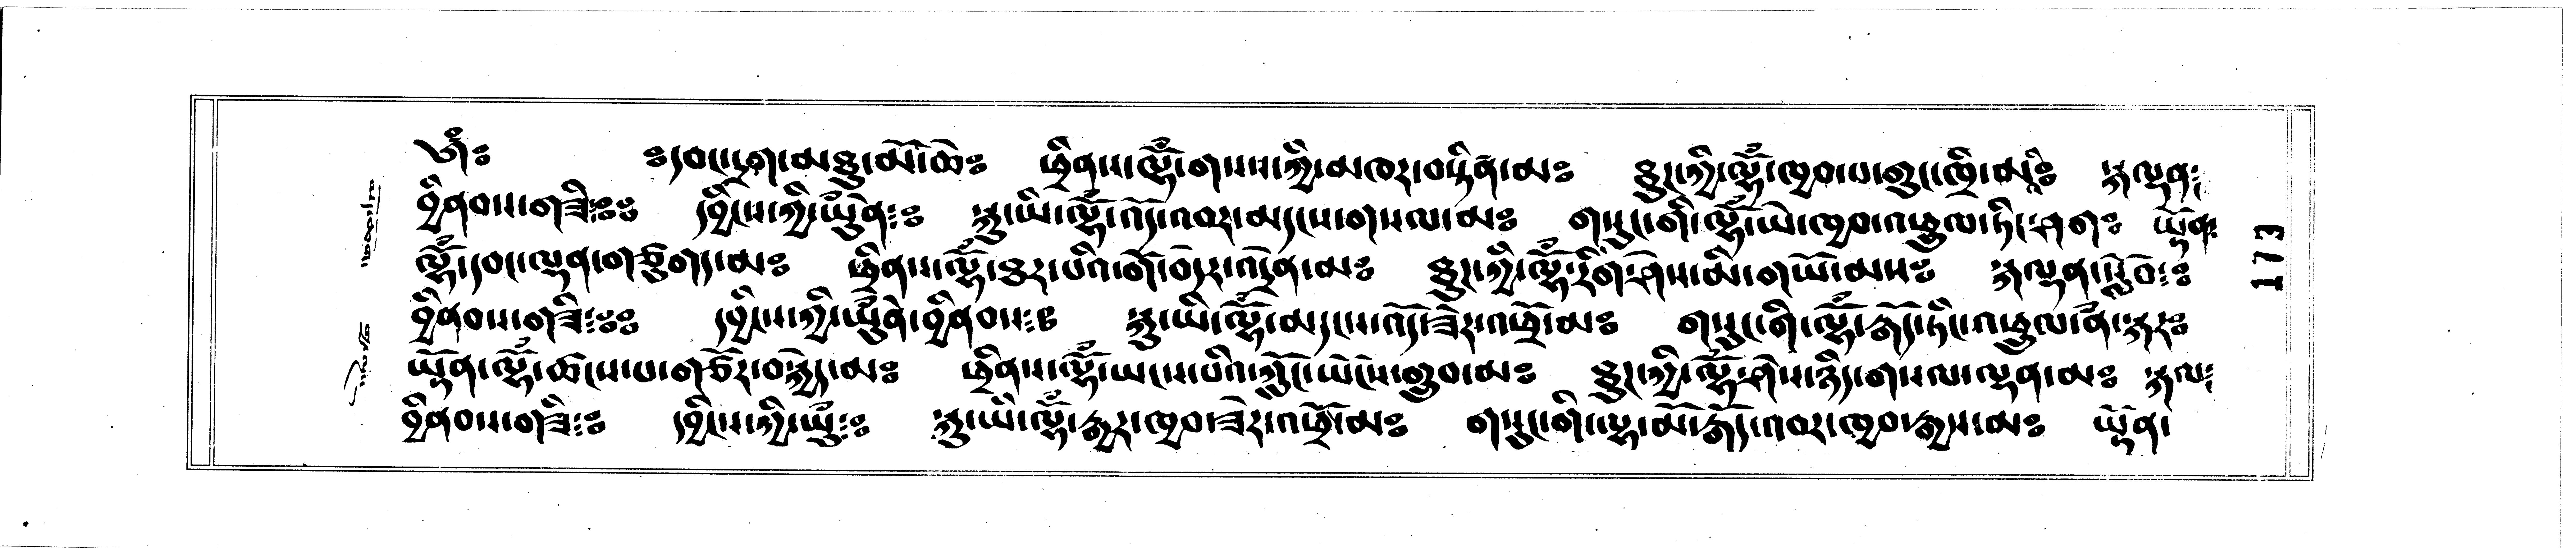དབང་དྲག་མཐུ་མོ་ཆེཿ ཕྲིན་ལས་ཀྱི་ལྷ་མོ་གསས་ཀྱི་མཁར་བསྟན་འཛིན་མཿ ཐུགས་ཀྱི་ལྷ་མོ་ཁྱབ་པ་གུང་ཁྲི་མསཿ སྐལ་ལྡན་སློབ་མ་རྣམས་ལ་དབང་བསྐུར་བསཿ 
བྱིན་རླབས་གཟི་བརྗིད་འགྲོ་འདྲེན་དབང་ཐོབ་ཤོགཿ དབྱིངས་ཀྱི་ཡུམ་ཆེན་བྱིན་རླབས་ལས་བྱུང་བའིཿ སྐུ་ཡི་ལྷ་མོ་འོད་འབར་མདངས་གསལ་མཿ གསུང་གི་ལྷ་མོ་ཡེ་ཁྱབ་འཕྲུལ་ཏིང་ཤགཿ ཡོན་ཏན་གྱི་
ལྷ་མོ་དབང་ལྡན་གཙུག་ཕུད་མཿ ཕྲིན་ལས་ཀྱི་ལྷ་མོ་ཐར་པའི་གོ་བདེར་འདྲེན་མཿ ཐུགས་ཀྱི་ལྷ་མོ་རིག་ཤེས་མི་གཡོ་མསཿ སྐལ་ལྡན་སློབ་མ་རྣམས་ལ་དབང་བསྐུར་བསཿ 
བྱིན་རླབས་གཟི་བརྗིད་འགྲོ་འདྲེན་དབང་ཐོབ་ཤོགཿ དབྱིངས་ཀྱི་ཡུམ་ཆེན་བྱིན་རླབས་ལས་བྱུང་བའིཿ སྐུ་ཡི་ལྷ་མོ་མདངས་འོད་ཟེར་འཕྲོ་མཿ གསུང་གི་ལྷ་མོ་རྒོད་ཏིང་འཕྲུལ་ནམ་སྐརཿ 
ཡོན་ཏན་གྱི་ལྷ་མོ་ཚངས་པ་གཙོ་སྐྱེད་མཿ ཕྲིན་ལས་ཀྱི་ལྷ་མོ་ཡངས་པའི་ཀློང་ཡོངས་གྲུབ་མཿ ཐུགས་ཀྱི་ལྷ་མོ་ཤེས་ཉིད་གསལ་ལྡན་མཿ སྐལ་
ལྡན་སློབ་མ་རྣམས་ལ་དབང་བསྐུར་བསཿ བྱིན་རླབས་གཟི་བརྗིད་འགྲོ་འདྲེན་དབང་ཐོབ་ཤོགཿ དབྱིངས་ཀྱི་ཡུམ་ཆེན་བྱིན་རླབས་ལས་བྱུང་བའིཿ སྐུ་ཡི་ལྷ་མོ་རྒྱར་ཁྱབ་ཟེར་འཕྲོ་མཿ གསུང་གི་ལྷ་མོ་རྒོད་འབར་ཁྱབ་རྒྱས་མཿ ཡོན་ཏན་